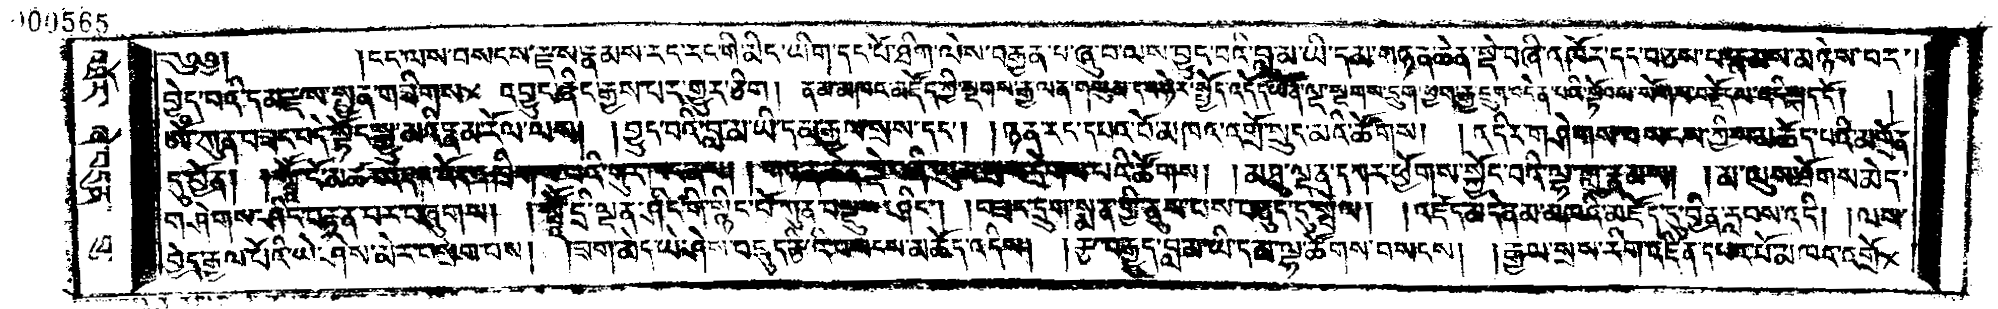༄༅། །ངང་ལས་བསངས་རྫས་རྣམས་རང་རང་གི་མིང་ཡིག་དང་པོ་ཐིག་ལེས་བརྒྱན་པ་ཞུ་བ་ལས་བྱུང་བའི་བླ་མ་ཡི་དམ་གཉན་ཆེན་སྡེ་བཞི་འཁོར་དང་བཅས་པ་རྣམས་མ་ཉེས་པར་
བྱེད་པའི་དམ་རྫས་སྤྱན་གཟིགས྾་འབྱུང་ཞིང་རྒྱས་པར་གྱུར་ཅིག ། ནམ་མཁའ་མཛོད་ཀྱི་སྔགས་རྒྱ་ལན་གསུམ་དང་ཉེར་སྤྱོད་འདོད་ཡོན་ལྔ་སྔགས་དྲུག་ཕྱག་རྒྱ་དྲུག་བདེན་པའི་སྟོབས་སོགས་བརྗོད་ལ་འདི་སྐད་དོ།  །
ཨོཾ་ཀུན་བཟང་བདེ་སྟོང་སྒྱུ་མའི་རྣམ་རོལ་ལས། །བྱུང་བའི་བླ་མ་ཡི་དམ་རྒྱལ་སྲས་དང་། །ཉན་རང་དཔའ་བོ་མཁའ་འགྲོ་སྲུང་མའི་ཚོགས། །འདིར་གཤེགས་བསངས་ཀྱིས་མཆོད་པའི་མགྲོན་
དུ་བྱོན། །སཝOཨོ་ངོ་མཚར་འཇའ་འོད་འཁྲིགས་པའི་གུར་ཁང་ནས། །གཉན་ཆེན་སྡེ་བཞི་ཡུམ་སྲས་དྲེགས་པའི་ཚོགས། །མཐུ་ལྡན་དཀར་ཕྱོགས་སྐྱོང་བའི་ལྷ་ཀླུ་རྣམས། །མ་ལུས་ཐོགས་མེད་
གཤེགས་ཤིང་བརྟན་པར་བཞུགས། །སཝOཨོ་དྲི་ལྡན་ཤིང་གི་སྙིང་པོ་ཀུན་བསྡུས་ཤིང་། །བཟང་དྲུག་སྨན་གྱི་ནུས་པས་བཅུད་དུ་སྤེལ། །འཛད་མེད་ནམ་མཁའི་མཛོད་དུ་བྱིན་རླབས་འདི། །ལས་
བྱེད་རྒྱལ་པོའི་ཡེ་ཤེས་མེར་བསྲེག་པས། །ཟག་མེད་ཡེ་ཤེས་བདུད་རྩིའི་བསངས་མཆོད་འདིས། །རྩ་བརྒྱུད་བླ་མ་ཡི་དམ་ལྷ་ཚོགས་བསངས། །རྒྱལ་སྲས་རིག་འཛིན་དཔའ་བོ་མཁའ་འགྲོ྾་